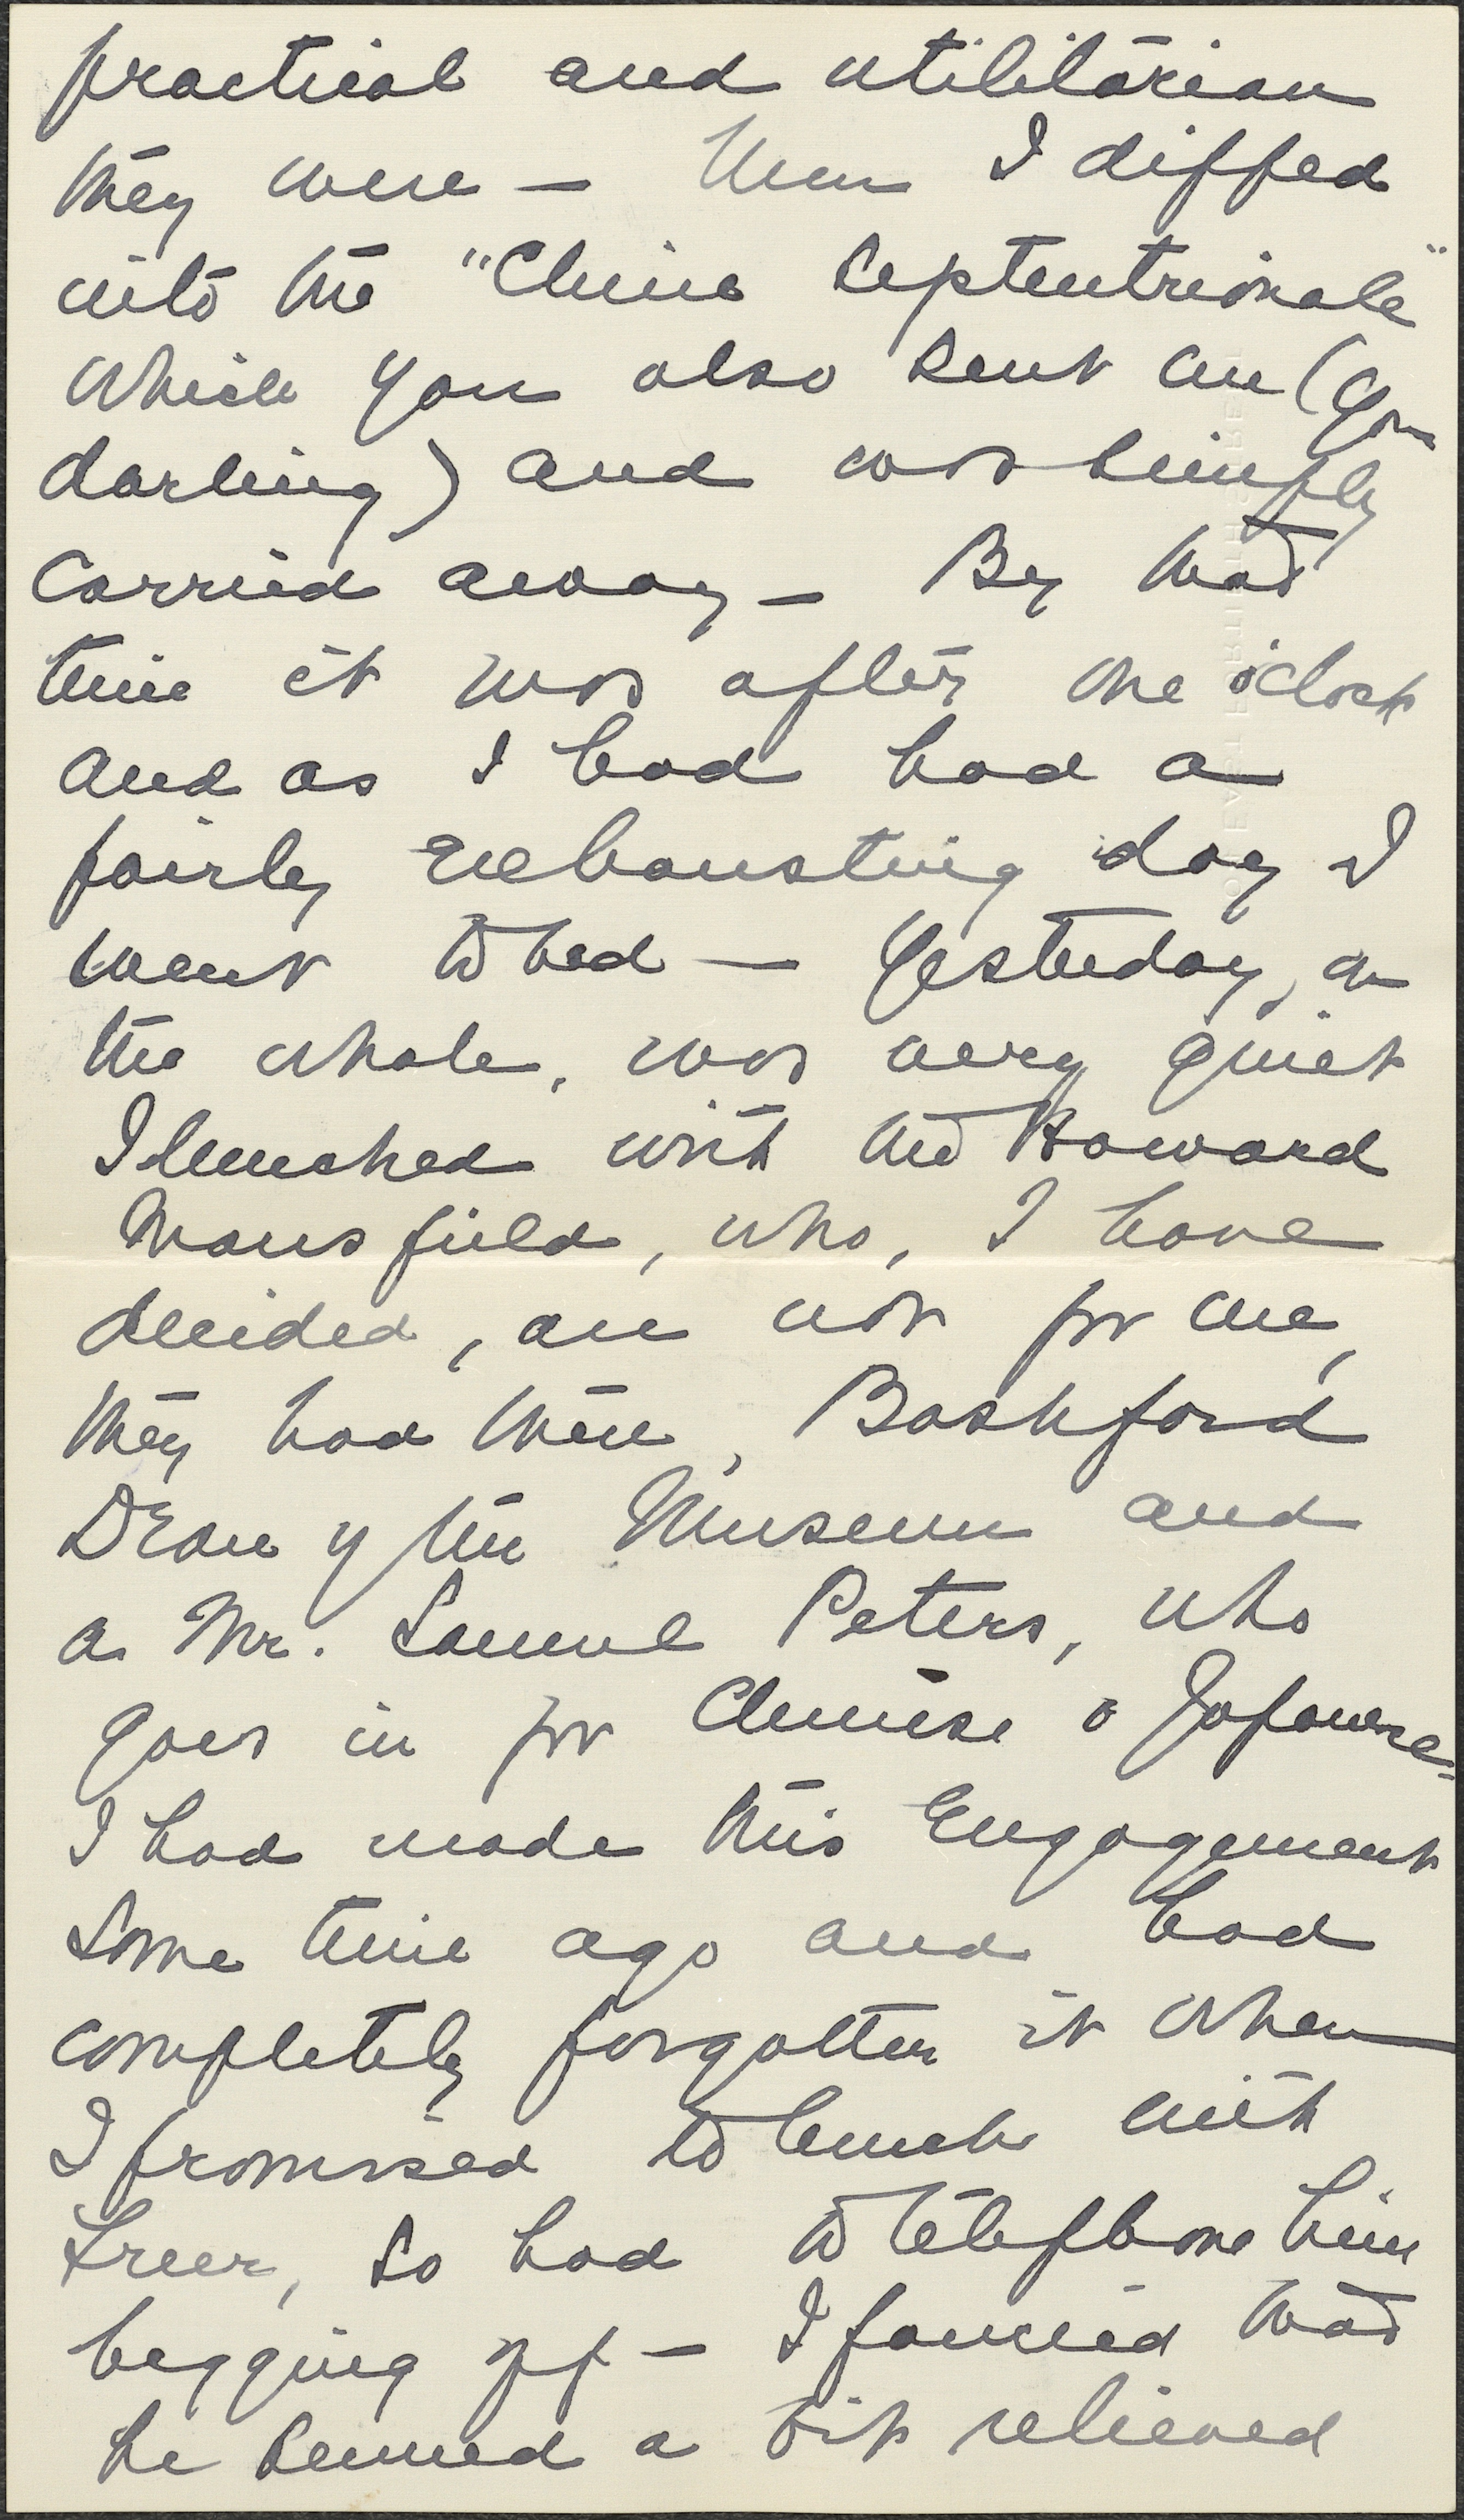practical and utilitarian they were – when I dipped into the “Chine septentrionale” which you also sent me (you darling) and was simply carried away – By that time it was after one o’clock and as I had had a fairly exhausting day I went to bed – Yesterday, on the whole, was very quiet
I lunched with that Howard Mansfields, who, I have decided, are not for me, they had there, Bashford Dean of the Museum and a Mr. Samuel Peters, who goes in for Chinese & Japanese. I had made this engagement some time ago and had completely forgotten it when I promised to lunch with Freer, so had to telephone him begging off – I fancied that he seemed a bit relieved